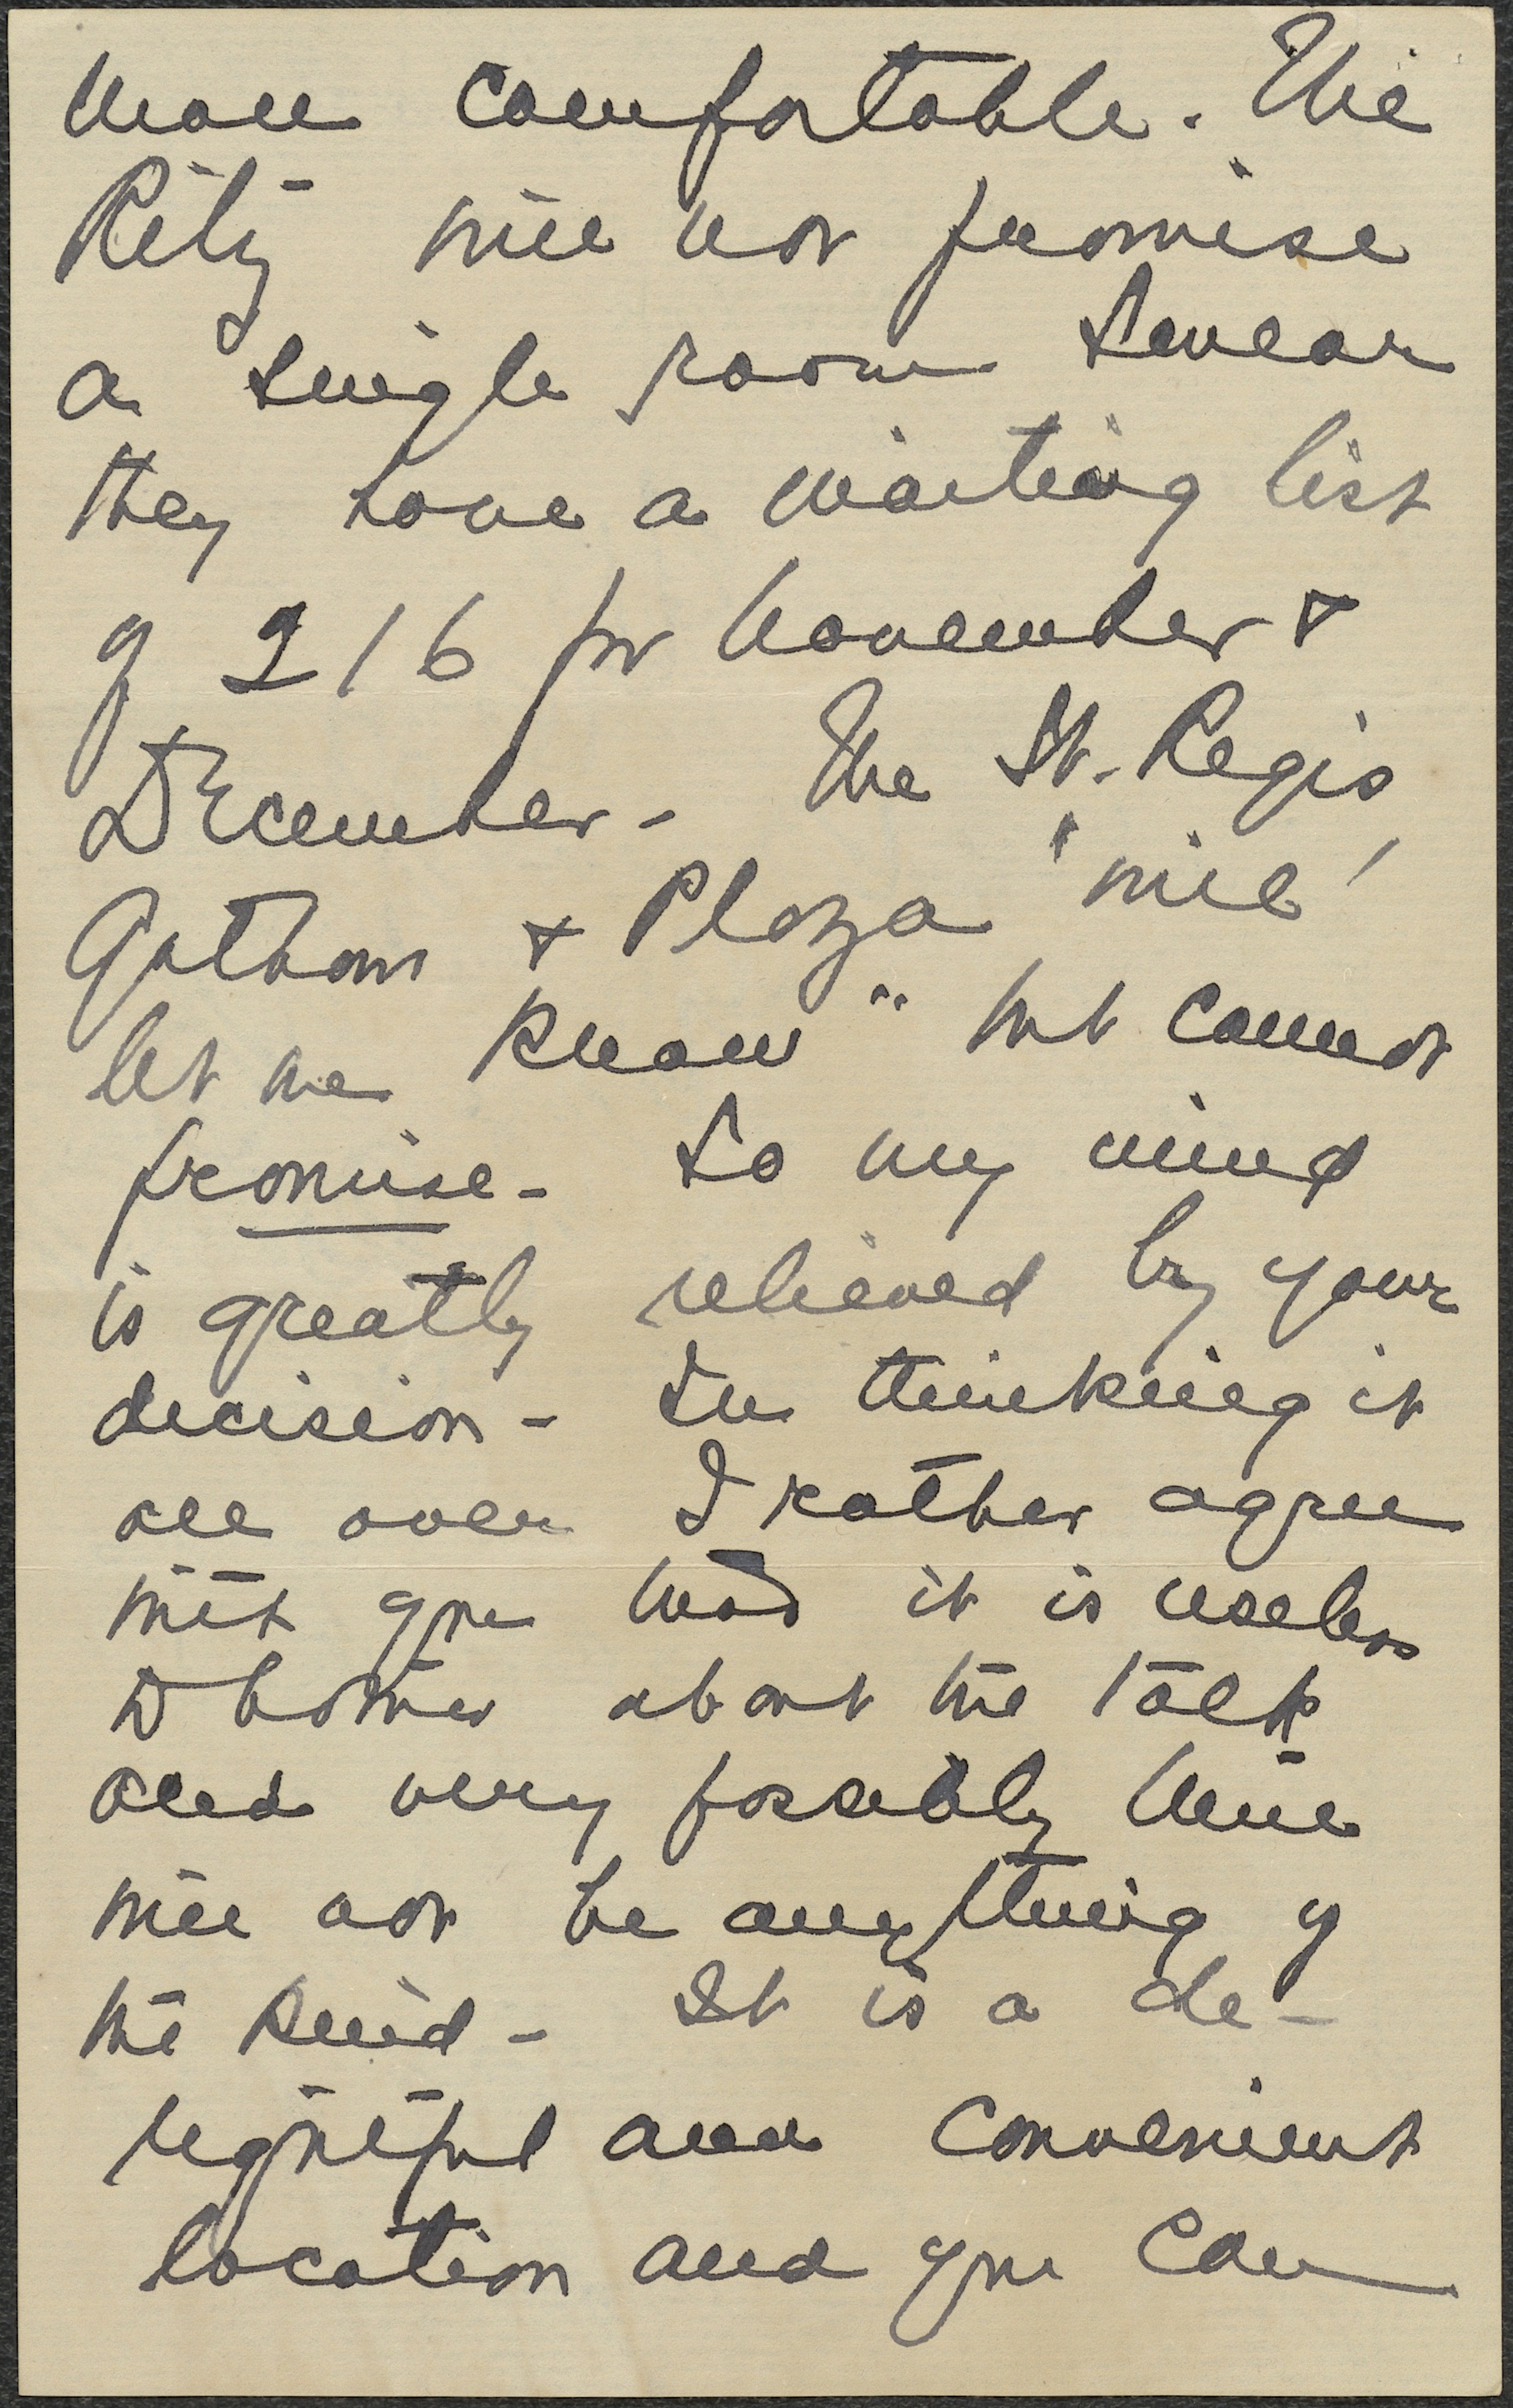more comfortable. The Ritz will not promise a single room – Swear they have a waiting list of 216 for November & December – the St. Regis, Gotham & Plaza "will let me know" but cannot promise – so my mind is greatly relieved by your decision – In thinking it all over I rather agree with you that it is useless to bother about the talk and very possibly there will not be anything of the kind – It is a delightful and convenient location and you can